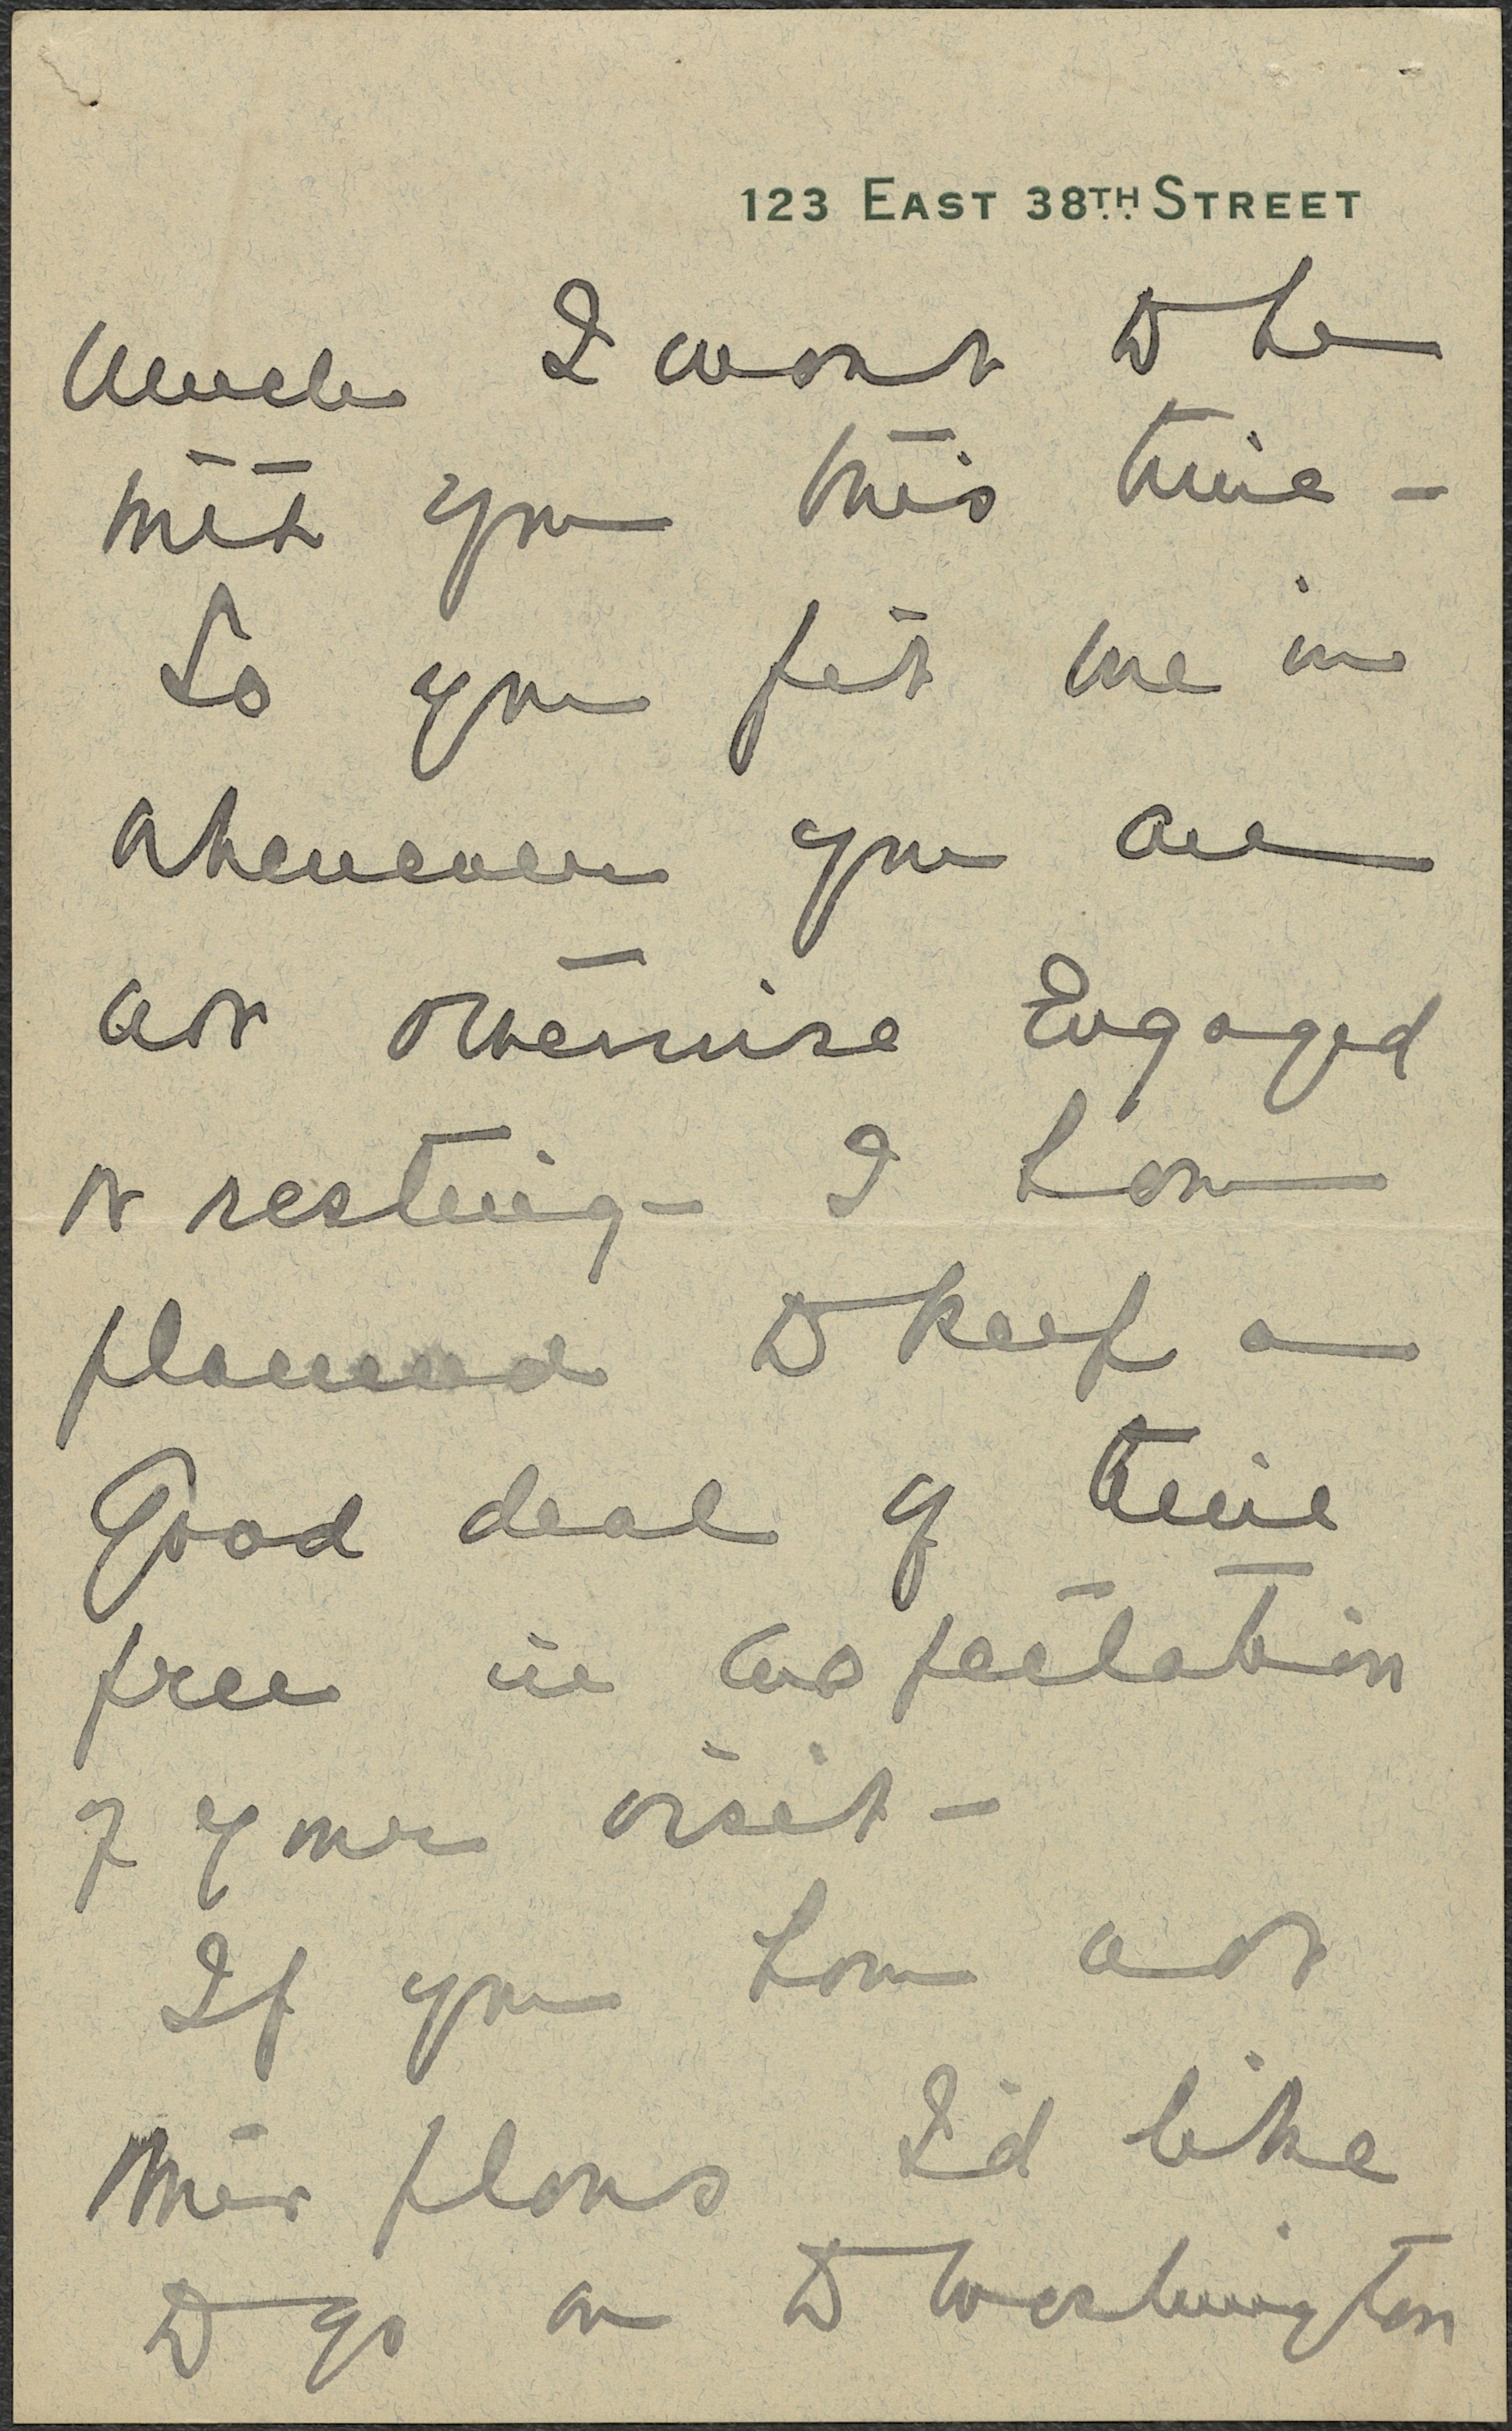much I want to be with you this time –
So you fit me in whenever you are not otherwise engaged or resting – I have planned to keep a good deal of time free in expectation of your visit –
If you have not other plans I'd like to go on to Washington